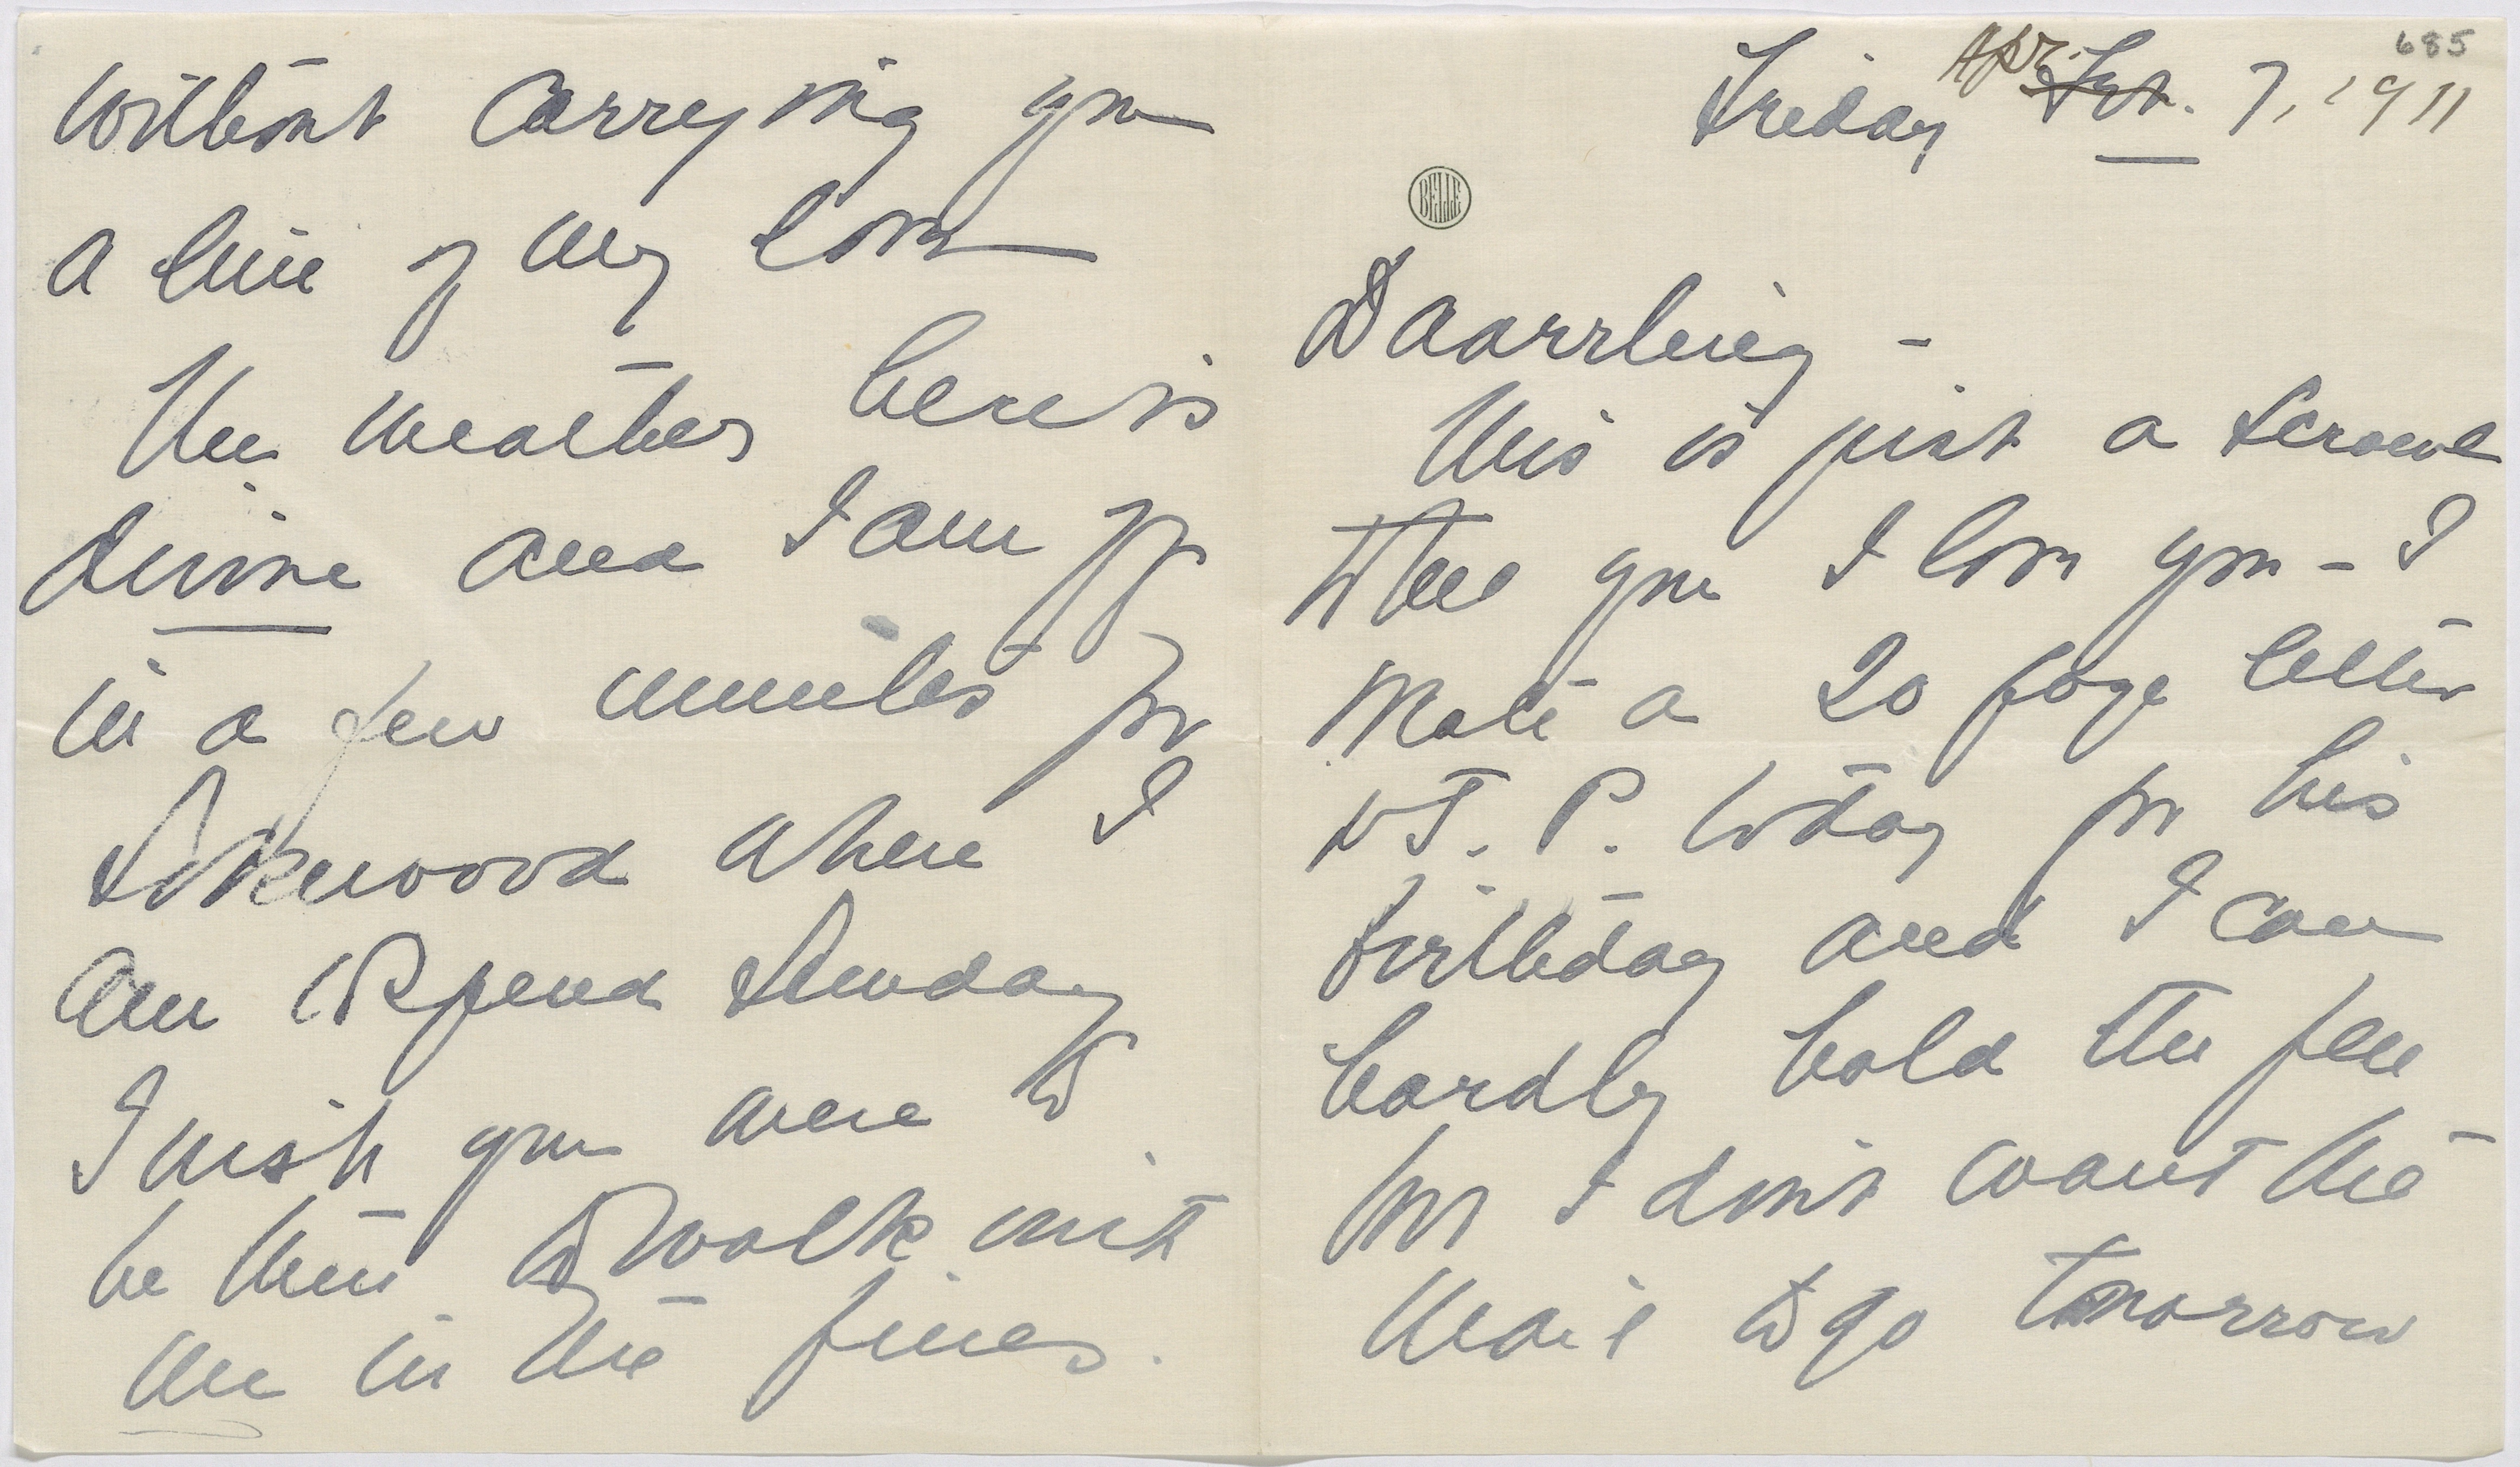Friday Feb. 7
Daarrling –
This is just a scrawl to tell you I love you – I wrote a 20 page letter to J. P. today for his birthday and I can hardly hold the pen but I don’t want the mail to go tomorrow
without carrying you a line of my love
The weather here is divine and I am off in a few minutes for Lakewood where I am to spend Sunday
I wish you were to be there to walk with me in the pines.